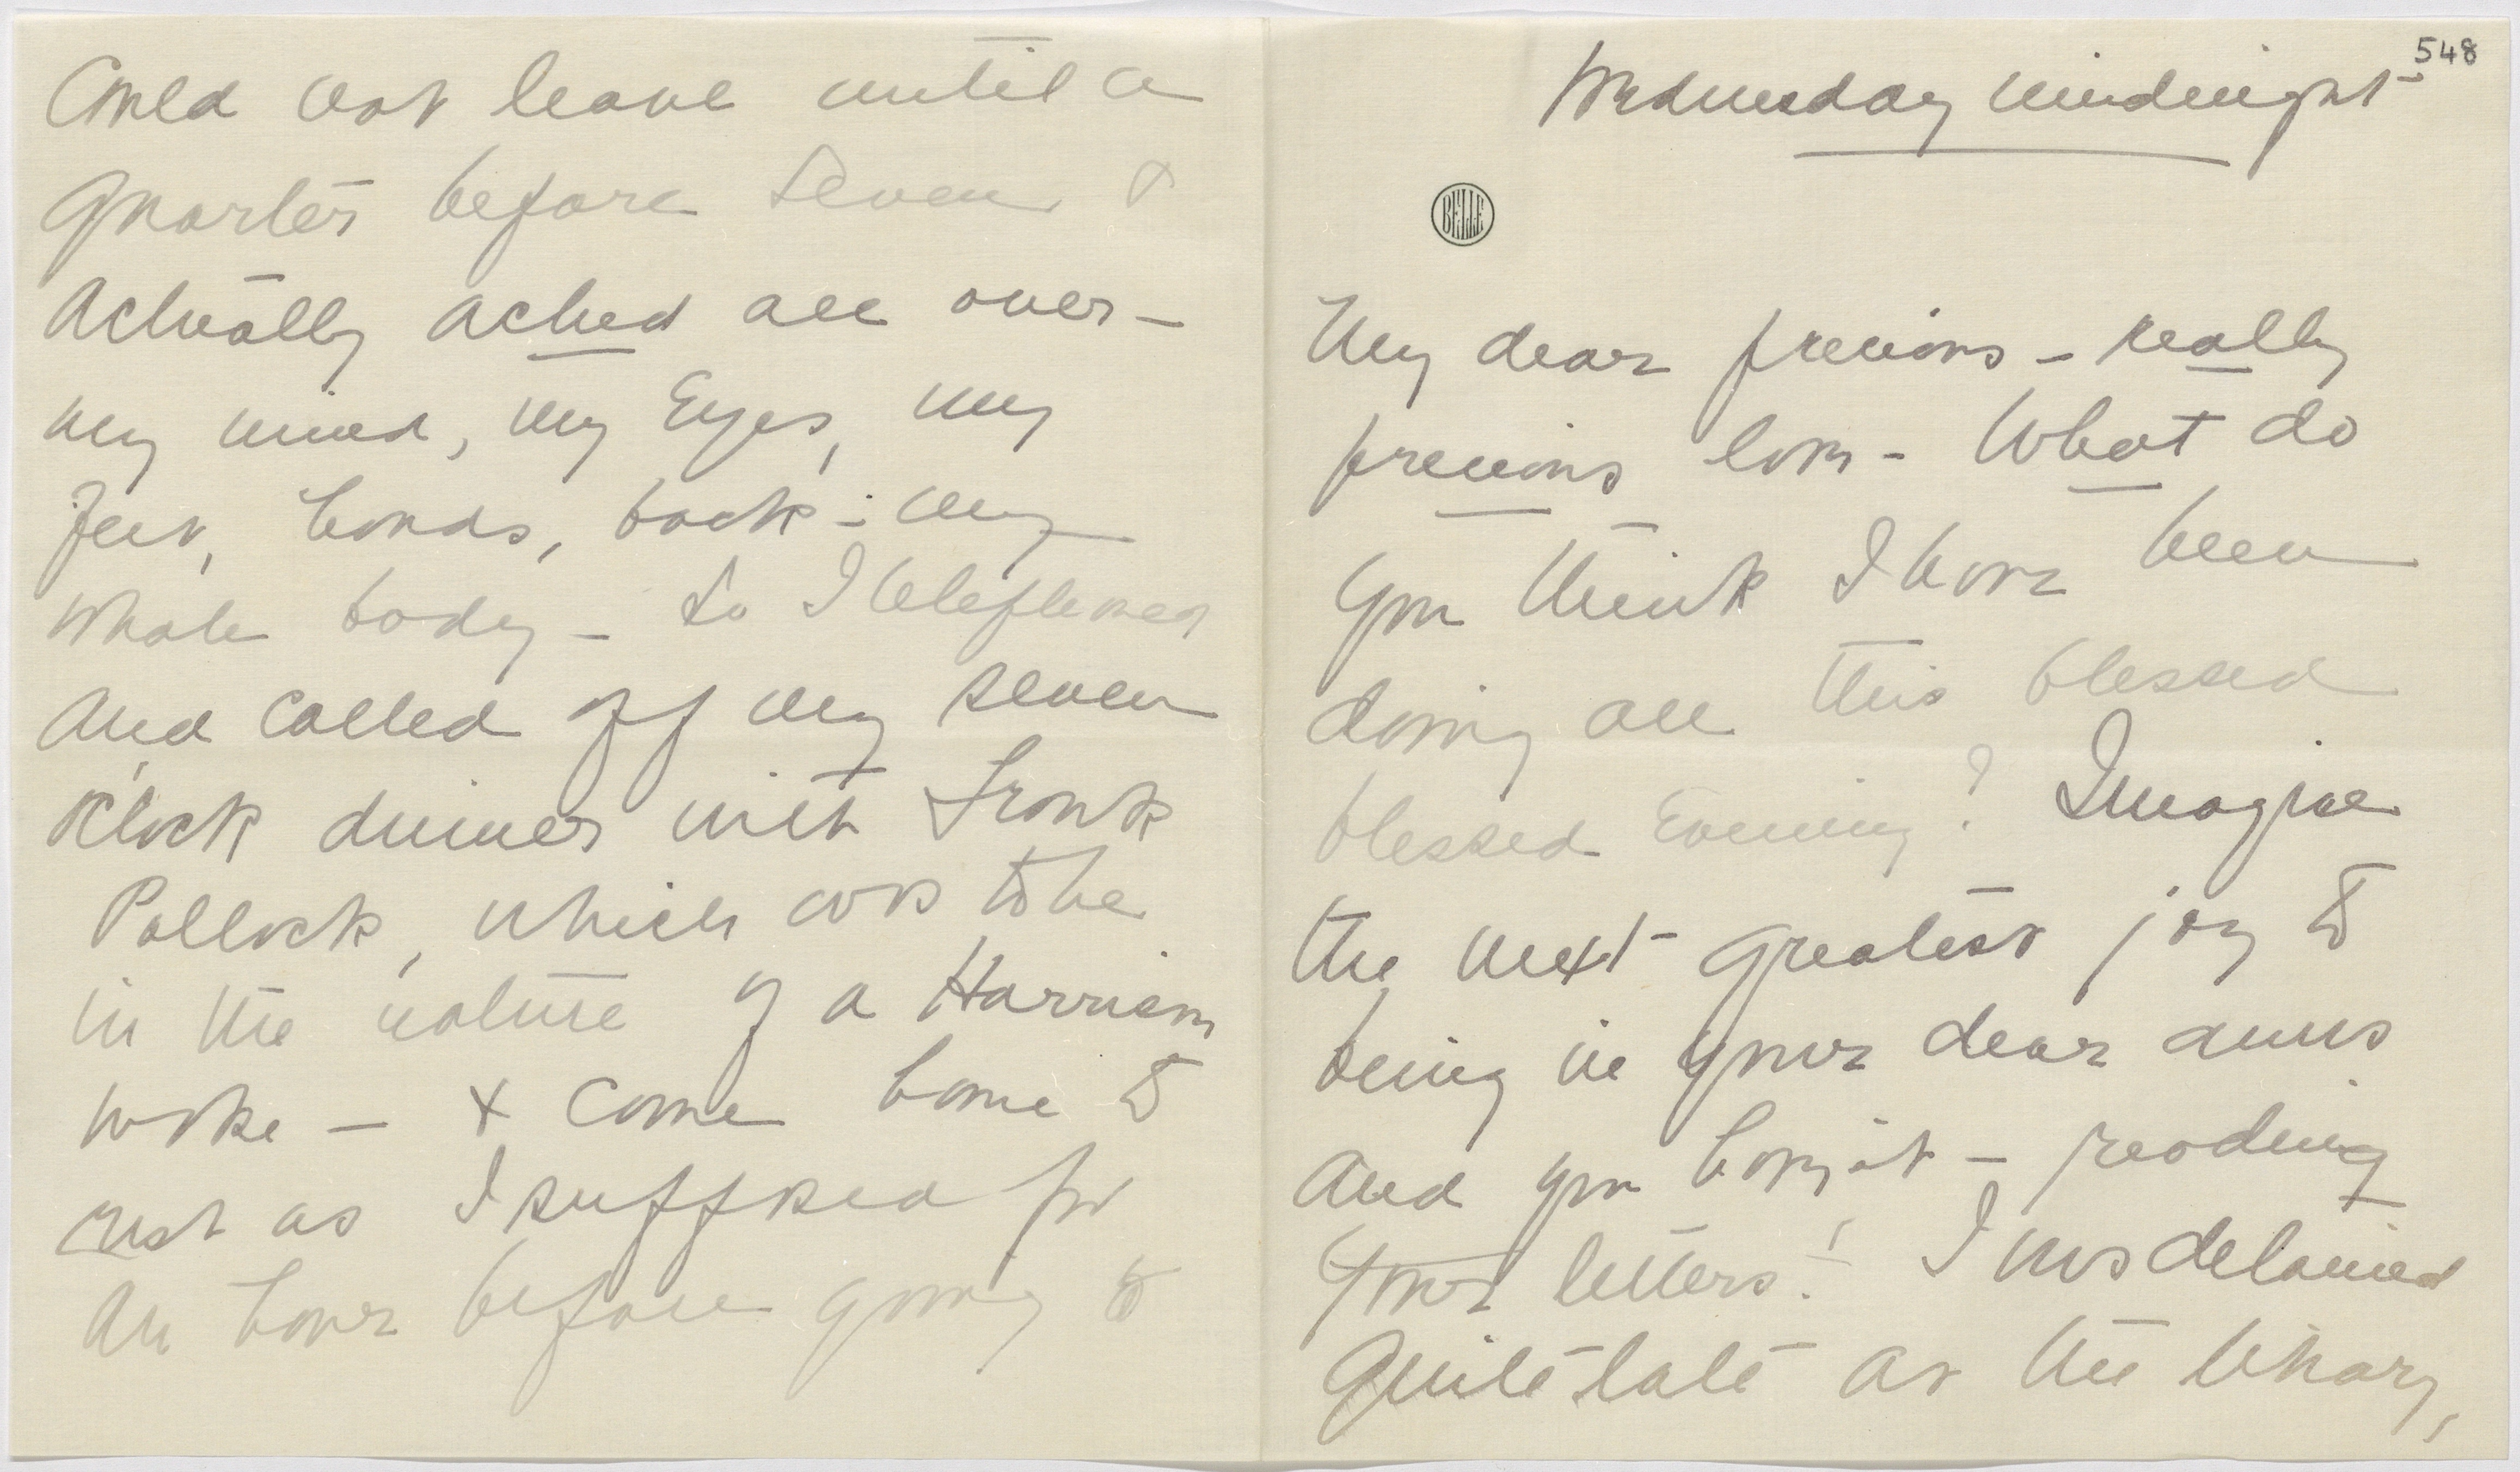Wednesday midnight
My dear precious – really precious love – What do you think I have been doing all this blessed blessed evening? Imagine the next greatest joy to being in your dear arms and you have it – reading your letters! I was detained quite late at the library,
could not leave until a quarter before seven & actually ached all over – my mind, my eyes, my feet, hands, back – my whole body – so I telephoned and called off my seven o’clock dinner with Frank Pollock, which was to be in the nature of a Harrison wake – & came home to rest as I supposed for an hour before going to